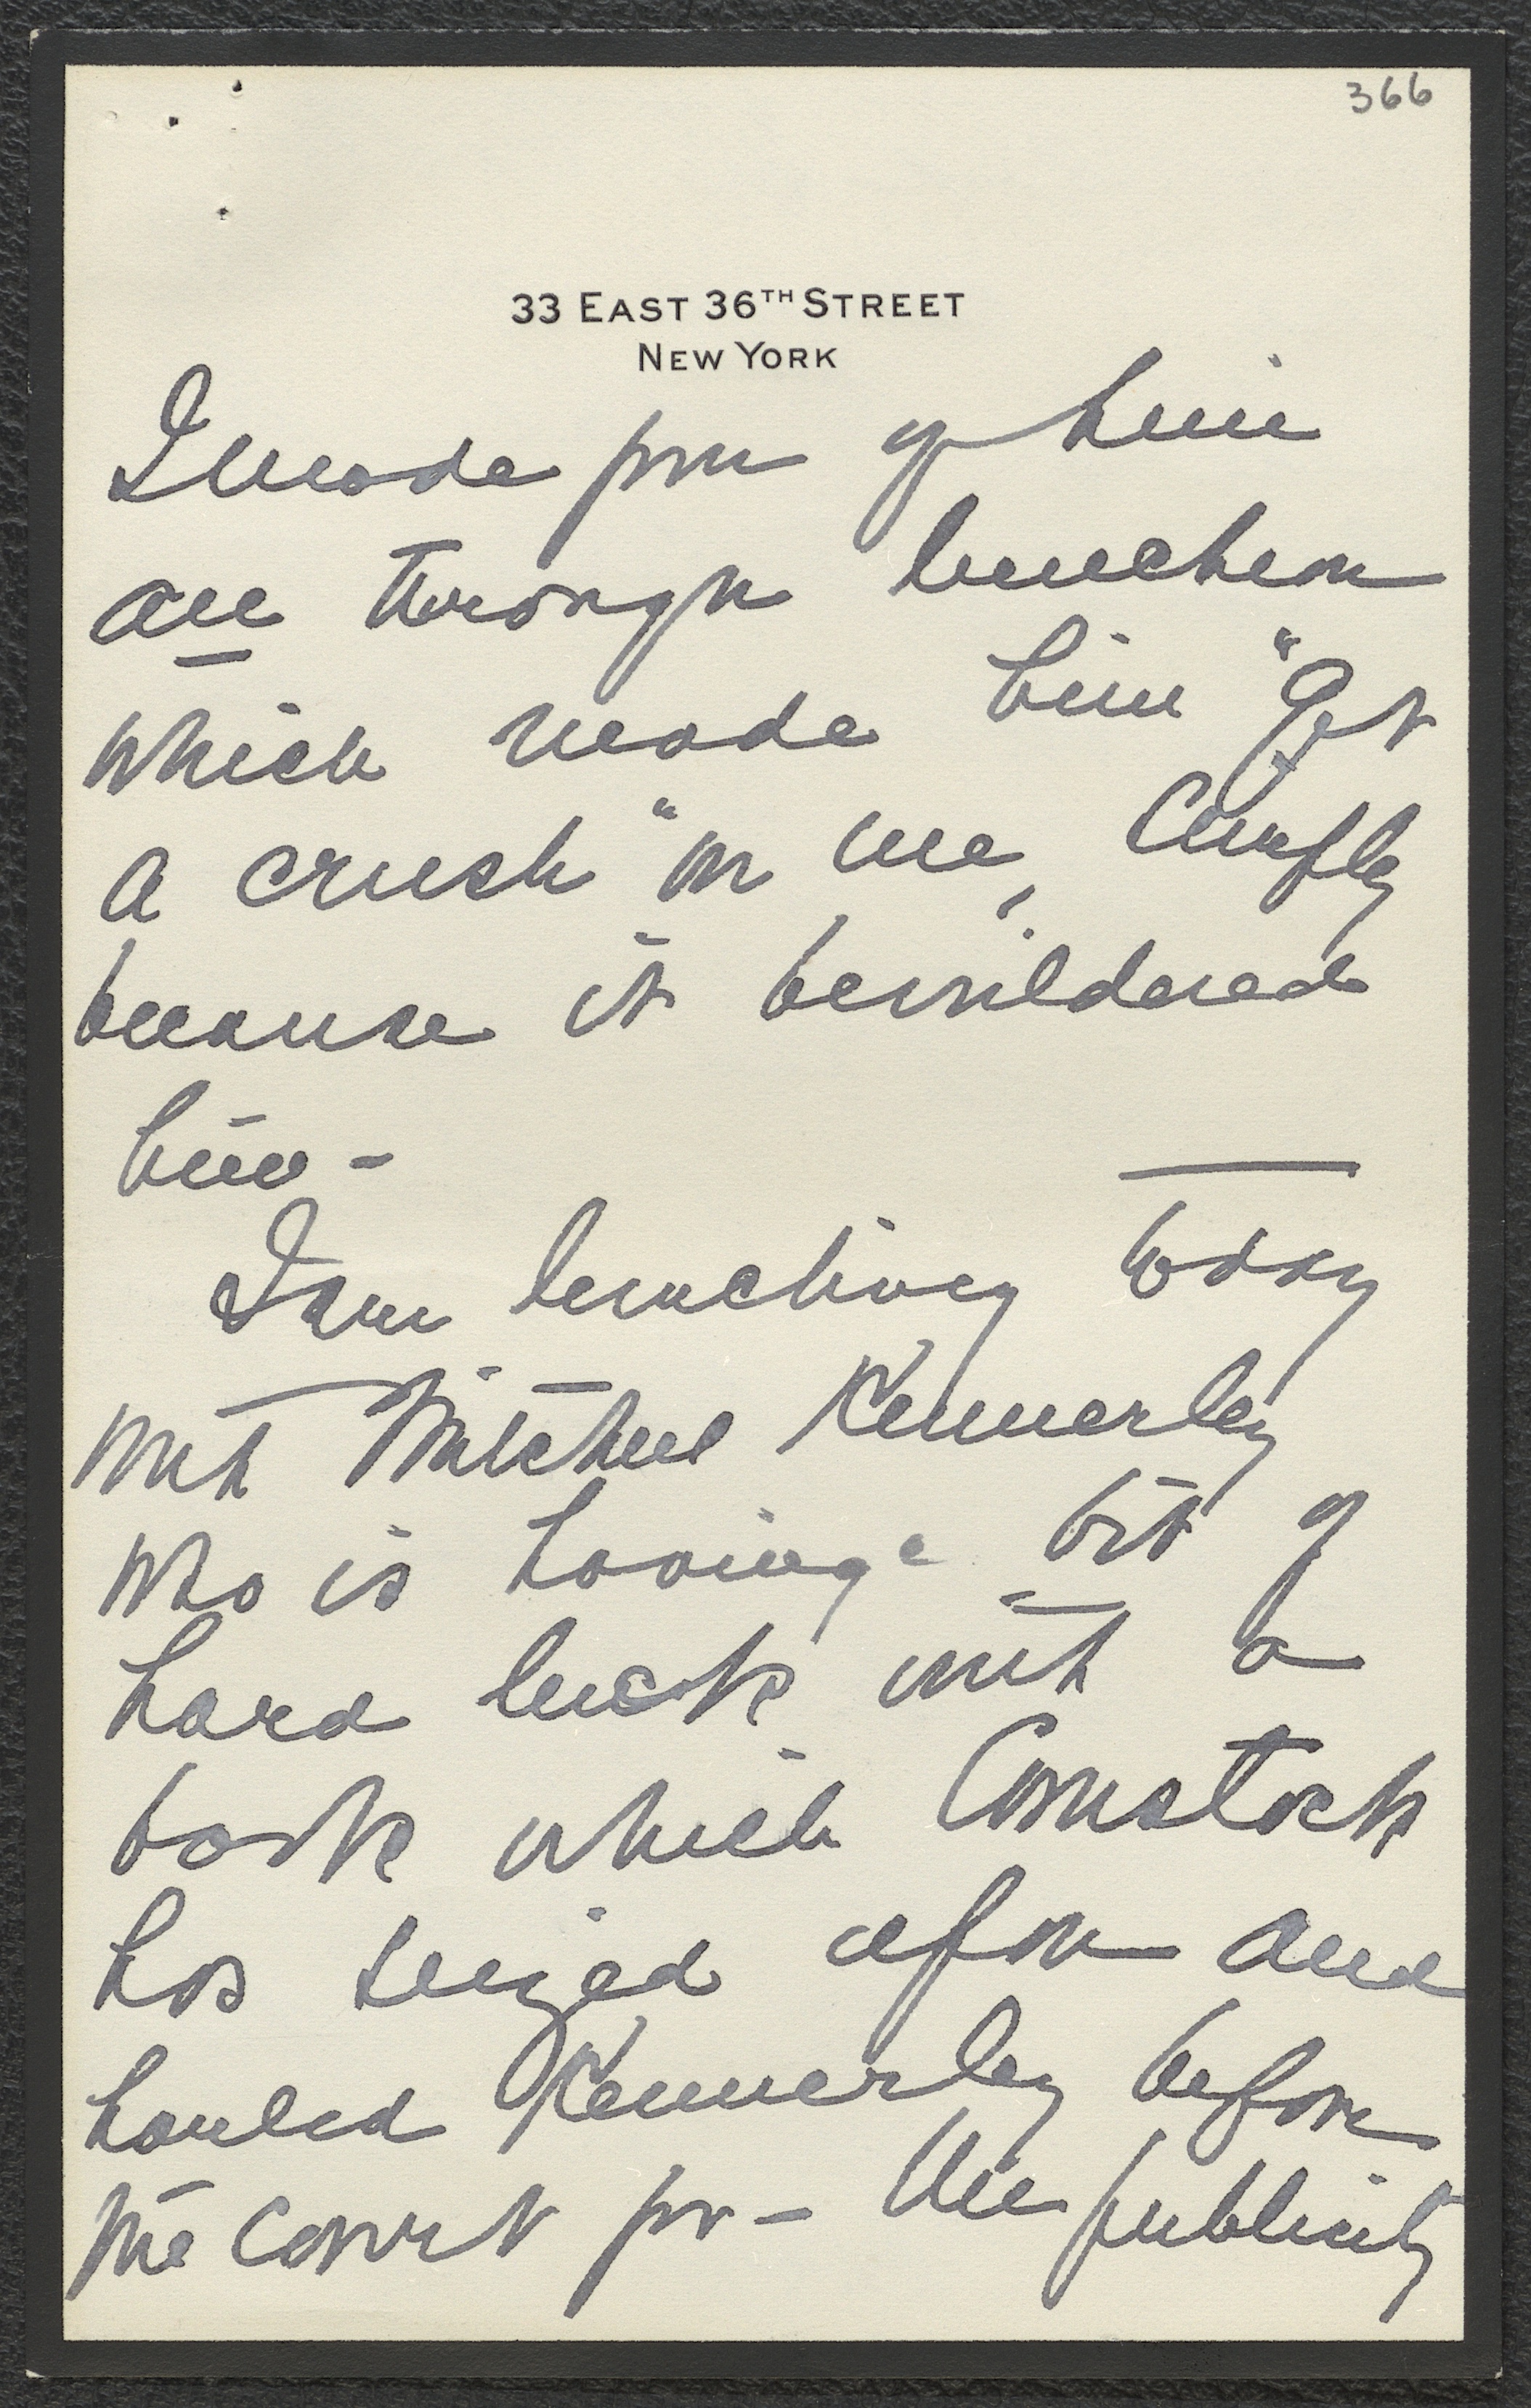I made fun of him all through luncheon which made him “get a crush” on me, simply because it bewildered him –
I’m lunching today with Mitchell Kennerley who is having a bit of hard luck with a book which Comstock has seized upon and hauled Kennerley before the court for – the publicity